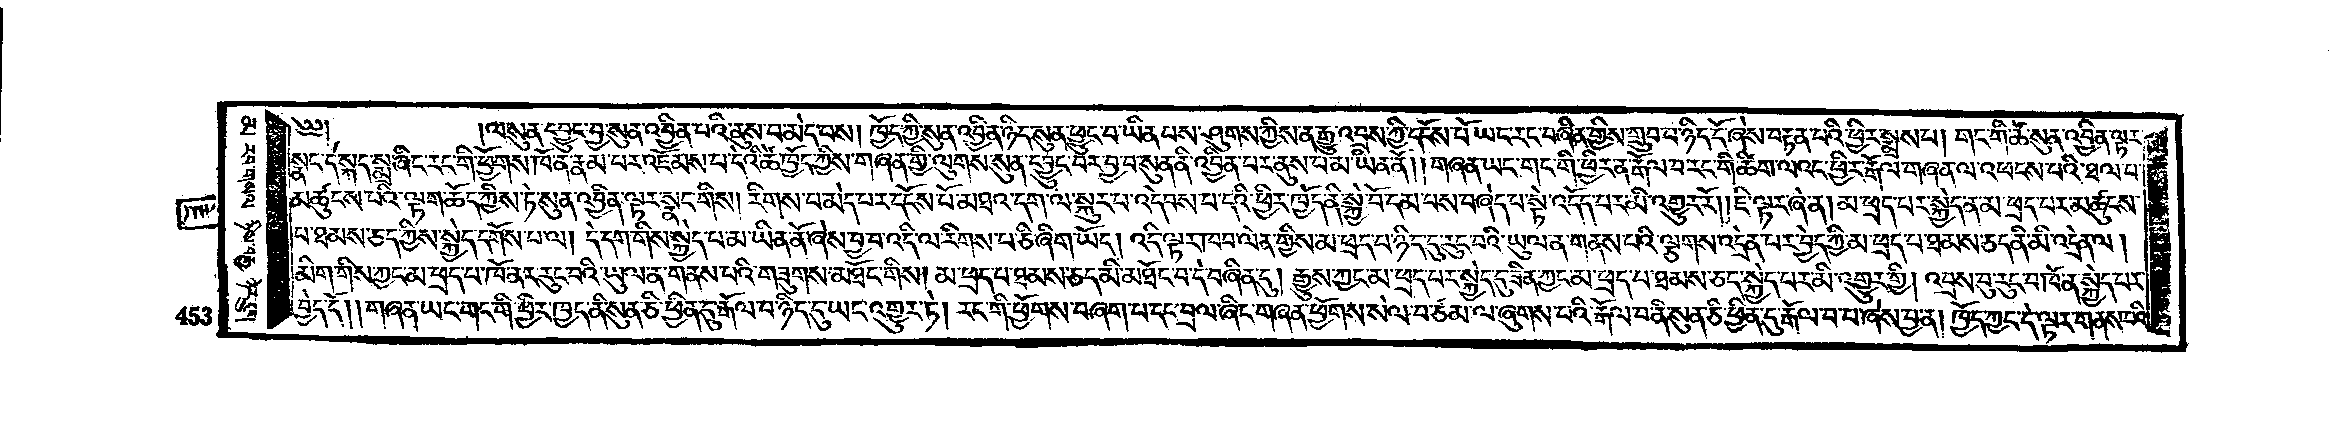༄༅། །ལ་སུན་དབྱུང་བྱ་སུན་འབྱིན་པའི་ནུས་པ་མེད་པས། ཁྱོད་ཀྱི་སུན་འབྱིན་ཉིད་སུན་ཕྱུང་བ་ཡིན་པས་ཤུགས་ཀྱིས་ན་རྒྱུ་འབྲས་ཀྱི་དངོས་པོ་ཡང་རང་བཞིན་གྱིས་གྲུབ་པ་ཉིད་དོ་ཞེས་བརྟན་པའི་ཕྱིར་སྨྲས་པ། གང་གི་ཚེ་སུན་འབྱིན་ལྟར་
སྣང་དེ་སྐད་སྨྲ་ཞིང་རང་གི་ཕྱོགས་ཁོ་ན་རྣམ་པར་འཇོམས་པ་དེའི་ཚེ་ཁྱོད་ཀྱིས་གཞན་གྱི་ལུགས་སུན་དབྱུང་བར་བྱ་བ་སུན་ནི་འབྱིན་པར་ནུས་པ་མ་ཡིན་ནོ། །གཞན་ཡང་གང་གི་ཕྱིར་ན་རྒོལ་བ་རང་གི་ཚིག་ལའང་ཕྱིར་རྒོལ་གཞན་ལ་འཕངས་པའི་ཐལ་བ་
མཚུངས་པའི་ལྟག་ཆོད་ཀྱིས་ཏེ་སུན་འབྱིན་ལྟར་སྣང་གིས། རིགས་པ་མེད་པར་དངོས་པོ་མཐའ་དག་ལ་སྐུར་པ་འདེབས་པ་དེའི་ཕྱིར་ཁྱོད་ནི་སྐྱེ་བོ་དམ་པས་བཞེད་པ་སྟེ་འདོད་པར་མི་འགྱུར་རོ། །ཇི་ལྟར་ཞེ་ན། མ་ཕྲད་པར་སྐྱེད་ན་མ་ཕྲད་པར་མཚུངས་
པ་ཐམས་ཅད་ཀྱིས་སྐྱེད་དགོས་པ་ལ། དེ་དག་གིས་སྐྱེད་པ་མ་ཡིན་ནོ་ཞེས་བྱ་བ་འདི་ལ་རིགས་པ་ཅི་ཞིག་ཡོད། འདི་ལྟར་ཁབ་ལེན་གྱིས་མ་ཕྲད་པ་ཉིད་དུ་རུང་བའི་ཡུལ་ན་གནས་པའི་ལྕགས་འདྲེན་པར་བྱེད་ཀྱི་མ་ཕྲད་པ་ཐམས་ཅད་ནི་མི་འདྲེན་ལ།
མིག་གིས་ཀྱང་མ་ཕྲད་པ་ཁོ་ནར་རུང་བའི་ཡུལ་ན་གནས་པའི་གཟུགས་མཐོང་གིས། མ་ཕྲད་པ་ཐམས་ཅད་མི་མཐོང་བ་དེ་བཞིན་དུ། རྒྱུས་ཀྱང་མ་ཕྲད་པར་སྐྱེད་དུ་ཟིན་ཀྱང་མ་ཕྲད་པ་ཐམས་ཅད་སྐྱེད་པར་མི་འགྱུར་གྱི། འབྲས་བུ་རུང་བ་ཁོ་ན་སྐྱེད་པར་
བྱེད་དོ། །གཞན་ཡང་གང་གི་ཕྱིར་ཁྱོད་ནི་སུན་ཅི་ཕྱིན་དུ་རྒོལ་བ་ཉིད་དུ་ཡང་འགྱུར་ཏེ། རང་གི་ཕྱོགས་བཞག་པ་དང་བྲལ་ཞིང་གཞན་ཕྱོགས་སེལ་བ་ཙམ་ལ་ཞུགས་པའི་རྒོལ་བ་ནི་སུན་ཅི་ཕྱིན་དུ་རྒོལ་བ་པ་ཞེས་བྱ་ན། ཁྱོད་ཀྱང་དེ་ལྟར་གནས་པའི་